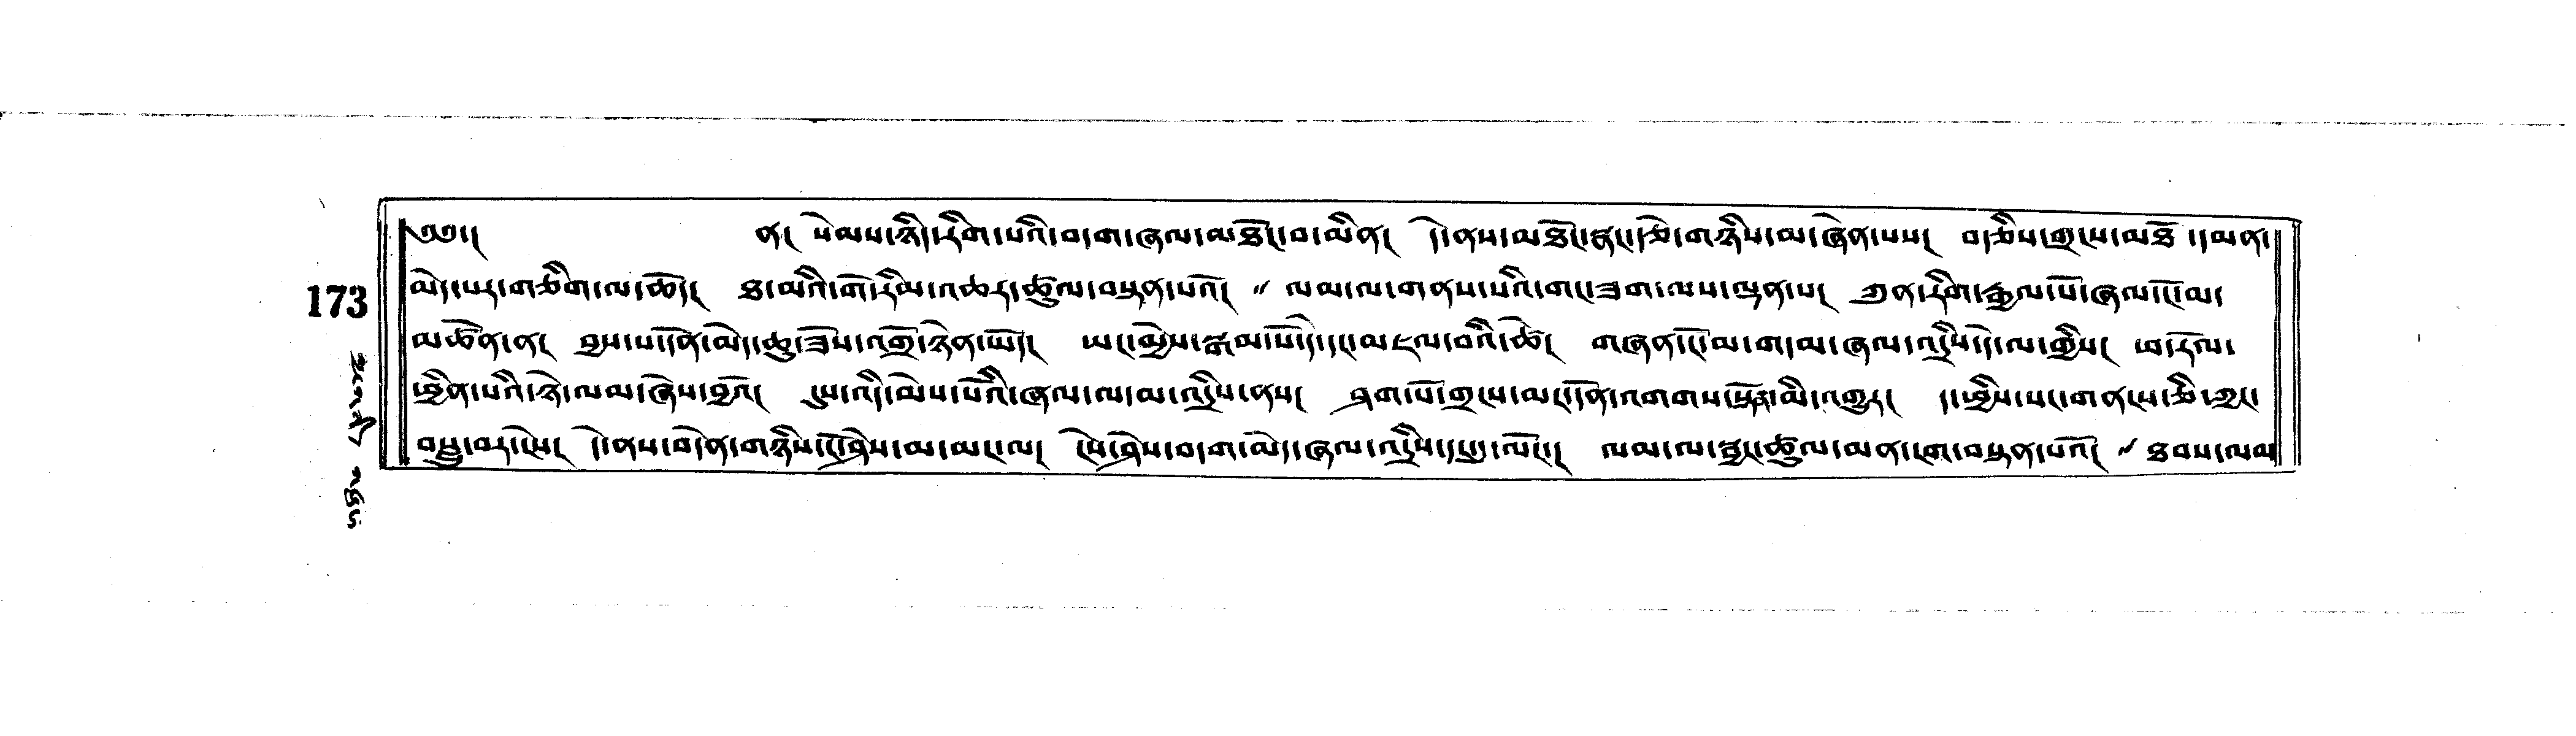ན། སེམས་ཉིད་རིག་པའི་བདག་ཞལ་མཐོང་བ་མིན། དེ་ནས་མཐོང་སྣང་རྩེ་གཉིས་མ་ཞེན་པས། རྩིས་གྲངས་མཐོ་དམན་
མེད་པར་གཅིག་ལ་ཆོད། ཐ་མའི་གོ་རིམ་འཆར་ཚུལ་བསྟན་པའོ། ༧ ལམ་ལ་གནས་པའི་གང་ཟག་ལས་ལྡན་པ། ཀུན་རིག་རྒྱལ་པོ་ཞལ་ངོ་མ་
མཚོན་ན། བྱས་པ་དོན་མེད་ཆུད་ཟོས་འགྲོ་ཉེན་ཡོད། ཡང་མྱེས་སྒམ་པོ་དེ་དང་མཇལ་བའི་ཚེ། གཞན་ངོ་མ་གདམ་ཞལ་འདྲིས་དེ་ལ་དྲིས། ཕ་རོལ་
ཕྱིན་པའི་ཉེ་ལམ་ཞེས་བྱ་འོ། དུས་འདི་མེས་པོའི་ཞལ་ལ་མ་འདྲིས་ནས། ཤག་པོ་གྲངས་མང་དོན་འགག་སྟོན་མི་འགྱུར། ད་ཕྱིས་སང་གནངས་ཅི་ཀྱང་
བསླུ་བར་ངེས། དེ་ནས་བདེན་གཉིས་ངོ་ཤེས་མ་མང་ལ། ངེས་ཤེས་བདག་མེད་ཞལ་འདྲིས་དང་དུ་ལོངས། ལམ་ལ་སྦྱང་ཚུལ་མན་ངག་བསྟན་པའོ། ཐབས་ལམ་